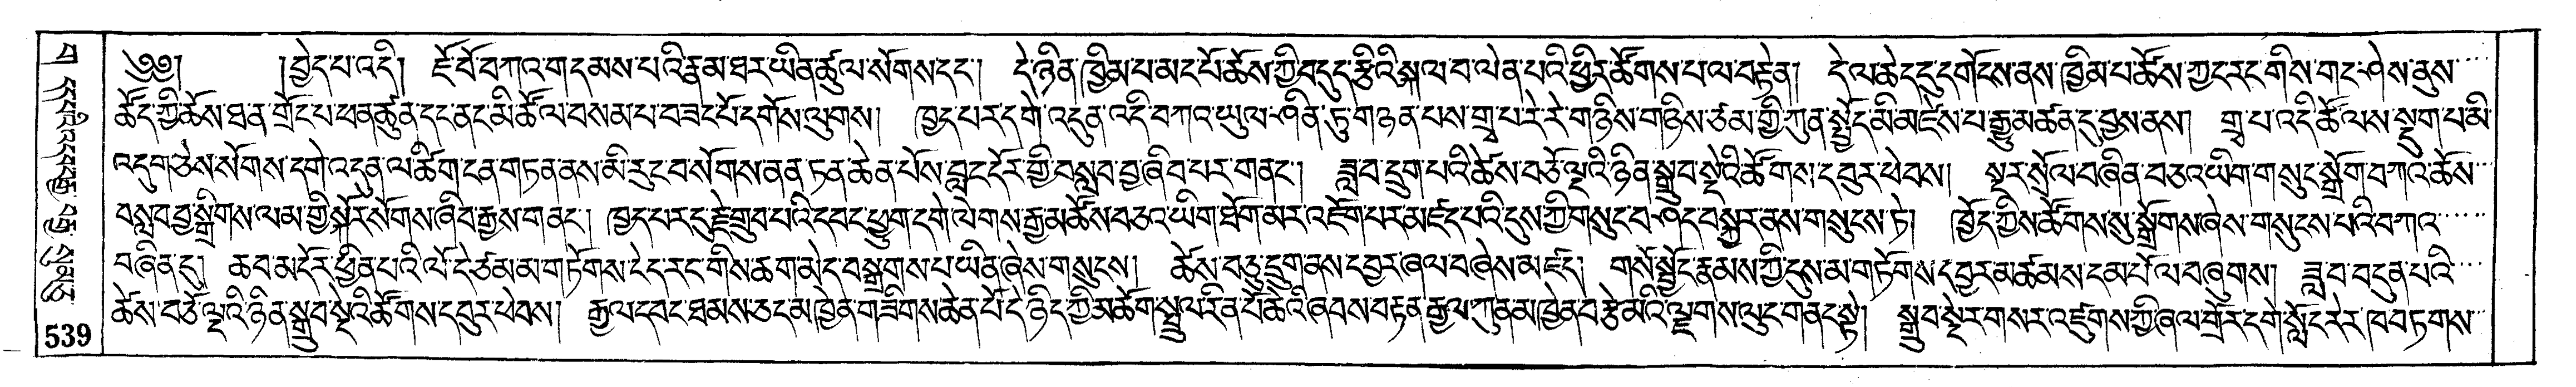༄༅། །བྱེད་པ་འདི། ཇོ་བོ་བཀའ་གདམས་བའི་རྣམ་ཐར་ཡིན་ཚུལ་སོགས་དང་། དེ་ཉིན་ཁྱིམ་པ་མང་པོ་ཆོས་ཀྱི་བདུད་རྩིའི་སྐལ་བ་ལེན་པའི་ཕྱིར་ཚོགས་བ་ལ་བརྟེན། དེ་ལ་ཆེད་དུ་དགོངས་ནས་ཁྱིམ་བ་ཆོས་ཀྱང་རང་གིས་གང་ཤེས་ནུས་
ཚོད་ཀྱི་ཆོས་ཐ་ན་གྲོང་བ་ཕན་ཚུན་དང་ནང་མི་ཚོལ་བསམ་བ་བཟང་པོ་དགོས་ལུགས། ཁྱད་པར་དགེ་འདུན་འདི་བཀའ་ཡུལ་ཤིན་ཏུ་གཉན་བས་གྲྭ་པ་རེ་རེ་གཉིས་གཉིས་ཙམ་གྱི་ཀུན་སྤྱོད་མི་མཛེས་པ་རྒྱུ་མཚན་དུ་བྱས་ནས། གྲྭ་པ་འདི་ཚོ་ལས་སྡུག་པ་མི་
འདུག་ཅེས་སོགས་དགེ་འདུན་ལ་ཚིག་ངན་གཏན་ནས་མི་རུང་བ་སོགས་ནན་ཏན་ཆེན་པོས་བླང་དོར་གྱི་བསླབ་བྱ་ཞིབ་པར་གནང་། ཟླ་བ་དྲུག་པའི་ཚེས་བཅོ་ལྔའི་ཉིན་སྒྲུབ་སྡེའི་ཚོགས་དབུར་ཕེབས། སྔར་སྲོལ་བཞིན་བཅའ་ཡིག་གསུང་སྒྲོག་བཀའ་ཆོས་
བསླབ་བྱ་སྒྲིགས་ལམ་གྱི་སྐོར་སོགས་ཞིབ་རྒྱས་གནང་། ཁྱད་པར་དུ་རྗེ་གྲུབ་པའི་དབང་ཕྱུག་དགེ་ལེགས་རྒྱ་མཚོས་བཅའ་ཡིག་ཐོག་མར་འཇོག་པར་མཛད་པའི་དུས་ཀྱི་གསུང་བཤད་བསྐྱར་ནས་གསུངས་ཏེ། ཁྱོད་ཀྱིས་ཚོགས་སུ་སྒྲོགས་ཞེས་གསུངས་པའི་བཀའ་
བཞིན་དུ། ཆབ་མདོར་ཕྱིན་པའི་ལོ་དེ་ཙམ་མ་གཏོགས་དེང་རང་གིས་ཆག་མེད་བསྒྲགས་བ་ཡིན་ཞེས་གསུངས། ཚེས་བཅུ་དྲུག་ནས་དབྱར་ཞལ་བཞེས་མཛད། གསོ་སྦྱོང་རྣམས་ཀྱི་དུས་མ་གཏོགས་དབྱར་མཚམས་དམ་པོ་ལ་བཞུགས། ཟླ་བ་བདུན་པའི་
ཚེས་བཅོ་ལྔའི་ཉིན་སྒྲུབ་སྡེའི་ཚོགས་དབུར་ཕེབས། རྒྱལ་དབང་ཐམས་ཅད་མཁྱེན་གཟིགས་ཆེན་པོ་དེ་ཉིད་ཀྱི་མཆོག་སྤྲུལ་རིན་པོ་ཆེའི་ཞབས་བརྟན་རྒྱལ་ཀུན་མཁྱེན་བརྩེ་མའི་ལྗགས་ལུང་གནང་སྟེ། སྒྲུབ་སྡེར་གསར་འཛུགས་ཀྱི་ཞལ་གྲོར་དགེ་སློང་རེར་ཁ་བཏགས་